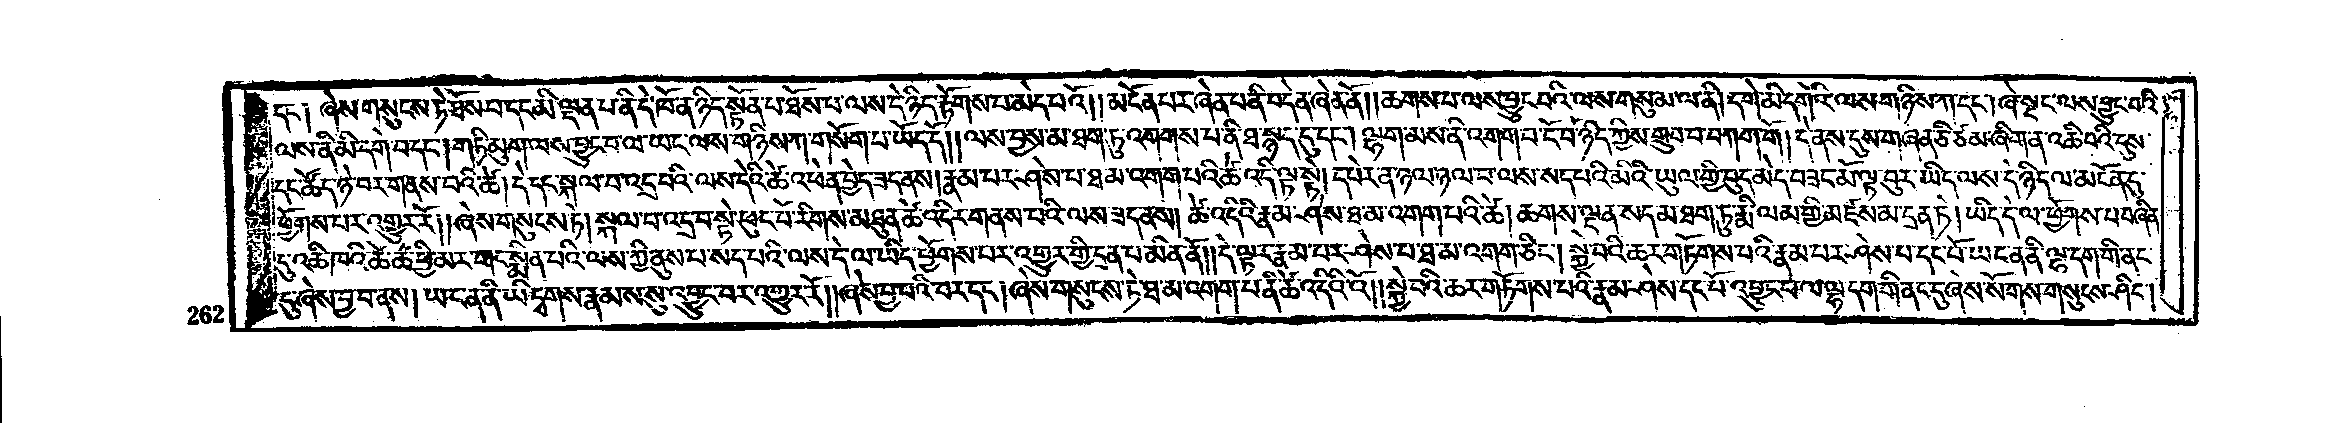དང་། ཞེས་གསུངས་ཏེ་ཐོས་པ་དང་མི་ལྡན་པ་ནི་དེ་ཁོ་ན་ཉིད་སྟོན་པ་ཐོས་པ་ལས་དེ་ཉིད་རྟོགས་པ་མེད་པའོ། །མངོན་པར་ཞེན་པ་ནི་བདེན་ཞེན་ནོ། །ཆགས་པ་ལས་བྱུང་བའི་ལས་གསུམ་ལ་ནི། དགེ་མི་དགེའི་ལས་གཉིས་ཀ་དང་། ཞེ་སྡང་ལས་བྱུང་བའི་
ལས་ནི་མི་དགེ་བ་དང་། གཏི་མུག་ལས་བྱུང་བ་ལ་ཡང་ལས་གཉིས་ཀ་གསོག་པ་ཡོད་དོ། །ལས་བྱས་མ་ཐག་ཏུ་འགགས་པ་ནི་ཐ་སྙད་དུ་དང་། ལྷག་མས་ནི་འགག་པ་ངོ་བོ་ཉིད་ཀྱིས་གྲུབ་པ་བཀག་གོ །དེ་ནས་དུས་གཞན་ཅི་ཙམ་ཞིག་ན་འཆི་བའི་དུས་
དང་ཚོད་ཉེ་བར་གནས་པའི་ཚེ། དེ་དང་སྐལ་བ་འདྲ་བའི་ལས་དེའི་ཚེ་འཕེན་བྱེད་ཟད་ནས། རྣམ་པར་ཤེས་པ་ཐ་མ་འགག་པའི་ཚེ་འདི་ལྟ་སྟེ། དཔེར་ན་ཉལ་ཉལ་བ་ལས་སད་པའི་མིའི་ཡུལ་གྱི་བུད་མེད་བཟང་མོ་ལྟ་བུར་ཡིད་ལས་དེ་ཉིད་ལ་མངོན་དུ་
ཕྱོགས་པར་འགྱུར་རོ། །ཞེས་གསུངས་ཏེ། སྐལ་པ་འདྲ་བ་སྟེ་ཕུང་པོ་རིགས་མཐུན་ཚེ་འདིར་གནས་པའི་ལས་ཟད་ནས། ཚེ་འདིའི་རྣམ་ཤེས་ཐ་མ་འགག་པའི་ཚེ། ཆགས་ལྡན་སད་མ་ཐག་ཏུ་རྨི་ལམ་གྱི་མཛེས་མ་དྲན་ཏེ། ཡིད་དེ་ལ་ཕྱོགས་པ་བཞིན་
དུ་འཆི་ཁའི་ཚེ་ཚེ་ཕྱི་མར་གང་སྨིན་པའི་ལས་ཀྱི་ནུས་པ་སད་པའི་ལས་དེ་ལ་ཡིད་ཕྱོགས་པར་འགྱུར་གྱི་དྲན་པ་མིན་ནོ། །དེ་ལྟར་རྣམ་པར་ཤེས་པ་ཐ་མ་འགག་ཅིང་། སྐྱེ་བའི་ཆར་གཏོགས་པའི་རྣམ་པར་ཤེས་པ་དང་པོ་ཡང་ན་ནི་ལྷ་དག་གི་ནང་
དུ་ཞེས་བྱ་བ་ནས། ཡང་ན་ནི་ཡི་དྭགས་རྣམས་སུ་འབྱུང་བར་འགྱུར་རོ། །ཞེས་བྱ་བའི་བར་དང་། ཞེས་གསུངས་ཏེ་ཐ་མ་འགག་པ་ནི་ཚེ་འདིའི་འོ། །སྐྱེ་བའི་ཆར་གཏོགས་པའི་རྣམ་ཤེས་དང་པོ་འབྱུང་བ་ལ་ལྷ་དག་གི་ནང་དུ་ཞེས་སོགས་གསུངས་ཤིང་།